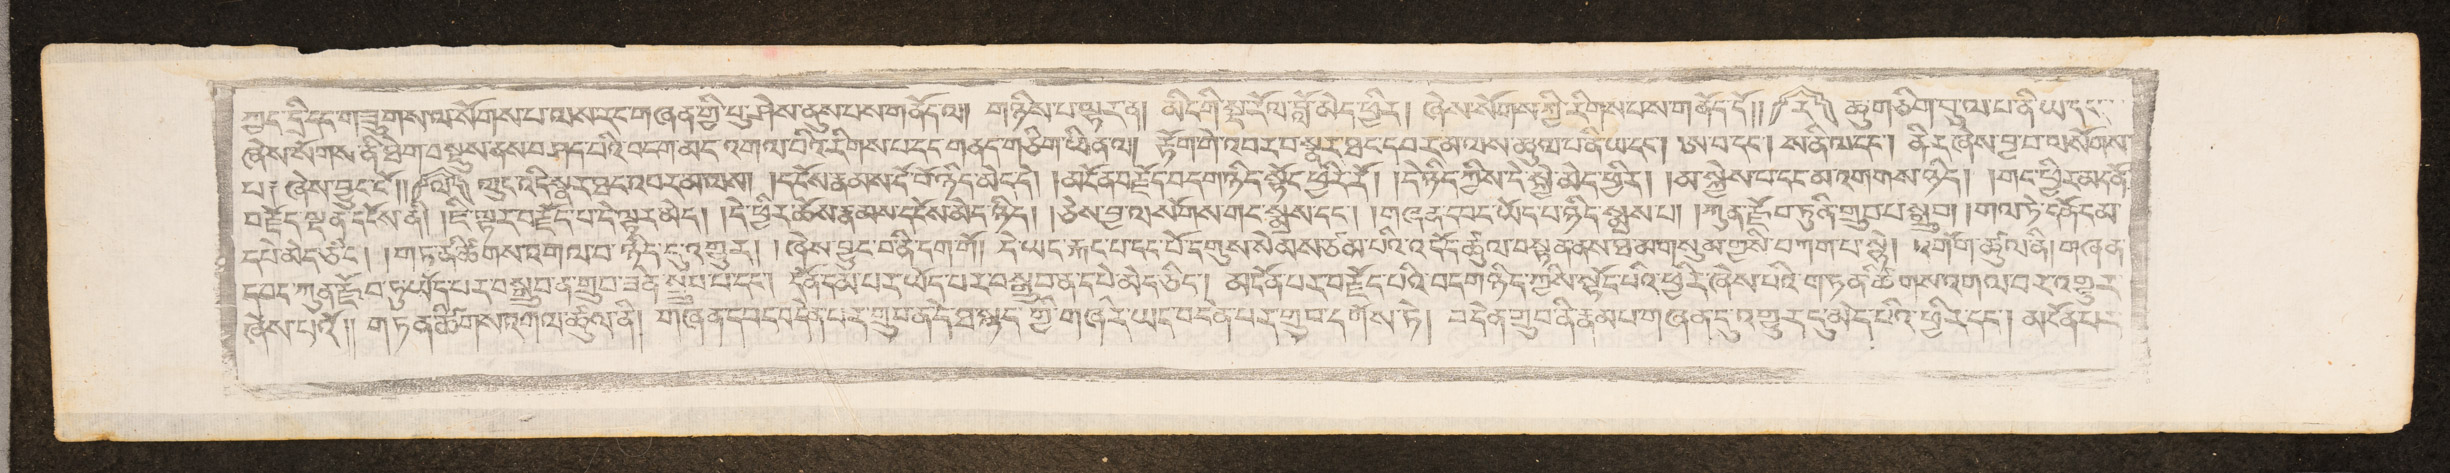ཀྱང་དྲི་དང་གཟུགས་ལ་སོགས་པ་ལས་རང་གཞན་གྱི་བུ་ཤེས་ནུས་པས་གནོད་ལ། གཉིས་པ་ལྟར་ན། མིང་གི་སྔ་རོལ་བློ་མེད་ཕྱིར། ཞེས་སོགས་ཀྱི་རིགས་པས་གནོད་དོ།། ༼༽ར༼༽ ཆུ་གཅིག་བུ་ལ་པ་ནི་ཡ་དང་
ཞེས་སོགས་ནི་ཐེག་བསྡུས་ནས་བཤད་པའི་བདག་མང་འགལ་བའི་རིགས་པ་དང་གནད་གཅིག་ཡིན་ལ། རྟོག་གེ་འབར་བ་སྣར་ཐང་དབར་མ་ལས་ཆུ་ལ་བ་ནི་ཡ་དང་། ཨ་བ་དང་། ས་ནི་ལ་དང་། ནིར་ཞེས་བྱ་བ་ལ་སོགས་
པ༑ ཞེས་བྱུང་ངོ།། ༼༽ལ༼༽ ལུང་འདི་སྣར་ཐང་འབར་མ་ལས། །དངོས་རྣམས་ངོ་བོ་ཉིད་མེད་དེ། །མངོན་བརྗོད་བདག་ཉིད་སྟོང་ཕྱིར་རོ། །དེ་ཉིད་ཀྱིས་དེ་སྐྱེ་མེད་ཕྱིར། །མ་སྐྱེས་པ་དང་མ་འགགས་ཉིད། །གང་ཕྱིར་མངོན་
བརྗོད་ལྡན་དངོས་ནི། །ཇི་ལྟར་བརྗོད་པ་དེ་ལྟར་མེད། །དེ་ཕྱིར་ཆོས་རྣམས་དངོས་མེད་ཉིད། །ཅེས་བྱ་ལ་སོགས་གང་སྨྲས་དང་། །གཞན་དབང་ཡོད་པ་ཉིད་སྨྲས་པ། །ཀུན་རྫོབ་ཏུ་ནི་གྲུབ་པ་སྒྲུབ། །གལ་ཏེ་དོན་དམ་
དཔེ་མེད་ཅིང་། །གཏན་ཚིགས་འགལ་བ་ཉིད་དུ་འགྱུར། །ཞེས་བྱུང་བ་ནི་དག་གོ། དེ་ཡང་རྐང་པ་དང་པོ་དགུས་སེམས་ཙམ་པའི་འདོད་ཚུལ་བསྟན་ནས་ཐ་མ་གསུམ་གྱིས་བཀག་པ་སྟེ། འགོག་ཚུལ་ནི། གཞན་
དབང་ཀུན་རྫོབ་ཏུ་ཡོད་པར་བསྒྲུབ་ན་གྲུབ་ཟིན་སྒྲུབ་པ་དང་། དོན་དམ་པར་ཡོད་པར་བསྒྲུབ་ན་དཔེ་མེད་ཅིང་། མངོན་པར་བརྗོད་པའི་བདག་ཉིད་ཀྱིས་སྟོང་པའི་ཕྱིར་ཞེས་པའི་གཏན་ཚིགས་འགལ་བར་འགྱུར་
ཞེས་པའོ།། གཏན་ཚིགས་འགལ་ཚུལ་ནི། གཞན་དབང་བདེན་པར་གྲུབ་ན་དེ་ཐ་སྙད་ཀྱི་གཞིར་ཡང་བདེན་པར་གྲུབ་དགོས་ཏེ། བདེན་གྲུབ་ནི་རྣམ་པ་གཞན་དུ་འགྱུར་དུ་མེད་པའི་ཕྱིར་དང་། མངོན་པར་